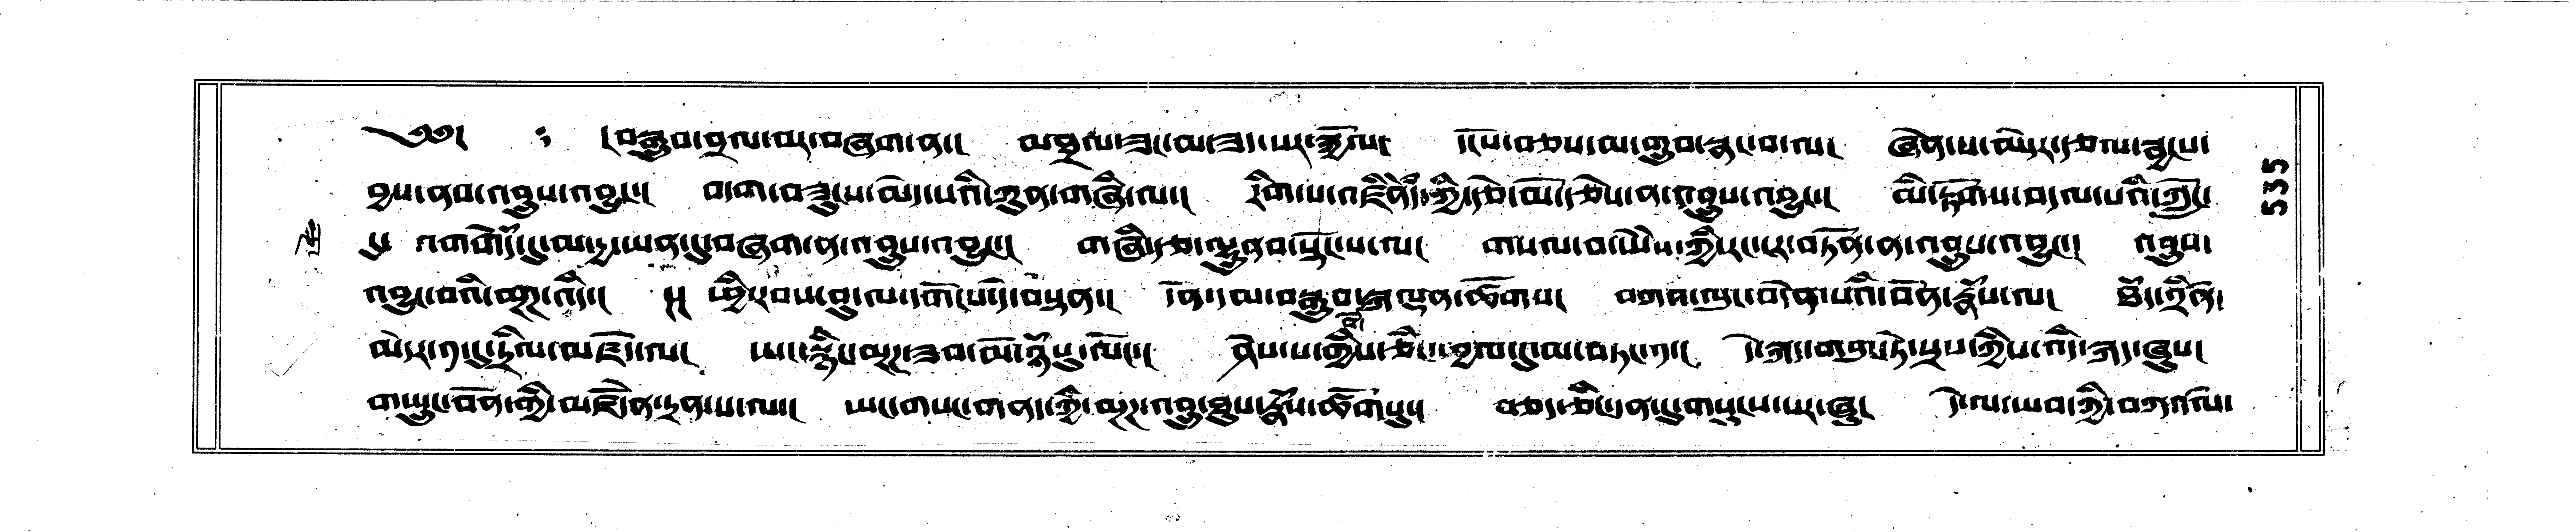སྒྲུབས་བྲལ་བར་བཞག་ན་ མཐའ་བྲལ་ཟང་མ་ཟད་སར་སྐྱོལ། དངོས་བཅས་མ་གྲུབ་སྣང་བ་ལ། ཞེན་པ་མེད་པ་རྩལ་སྦྱངས་
བྱས་ན་འབྲས་བུ་འབྱུང་། བདག་བཟུང་མེད་པའི་ཀུན་གཞི་ལ། རིག་པ་འཛིན་མེད་ཀྱི་རྩེད་མོ་རྩེས་ནས་འབྲས་བུ་འབྱུང་། མི་རྟོག་བདལ་པའི་ཀློང་
དུ་གྷག་(འགག)་མེད་རྒྱ་ཡན་དུ་བཞག་ན་འབྲས་བུ་འབྱུང་། གཞི་ལྷུན་གྲུབ་སྟོང་པ་ལ། གསལ་བ་ཡེ་ཤེས་ཀྱི་རང་ངར་བཏོན་ན་འབྲས་བུ་འབྱུང་། འབྲས་བུ་
འབྱུང་བའི་མེན་ངག་ནི། ཕྱི་རབས་བུ་ལ་དགོངས་སྟེ་བསྟན། དོན་དམ་བསྙག་པའི་སྐལ་ལྡན་ཚོ། བཀའ་ལུང་བདེན་པའི་བོན་རྣམས་ལ། ཐེ་ཚོམ་གཉིས་འཛིན་
མེད་པར་གཅིག་དུ་དྲིལ་མཛོད་ལ། ཡང་སྙིང་མེན་ངག་ཟབ་མོ་ཉམས་སུ་ལོང་། ཤེས་པར་གྱིས་ཤིག་ཕྱལ་དུ་མ་བཏང་རིགས་ཀྱི་བུ། དེ་སྐད་གསུངས་ཏེ་སྲས་ཀྱི་འདི་སྐད་ཞུས། 
གཡུང་དྲུང་བོན་མཛོད་དྲན་པ་ལགས། ཡང་གསང་གནས་ཀྱི་འབྲས་བུ་མེན་ངག་མ་འབྲུ”ཐུས་རྣམས།ཚིགས་སུ་ བཅད་ཅིང་དོན་དུ་གསུང་པར་ཞུ། དེ་ལ་ཡབ་ཀྱི་བཀའ་སྩལ་པ།